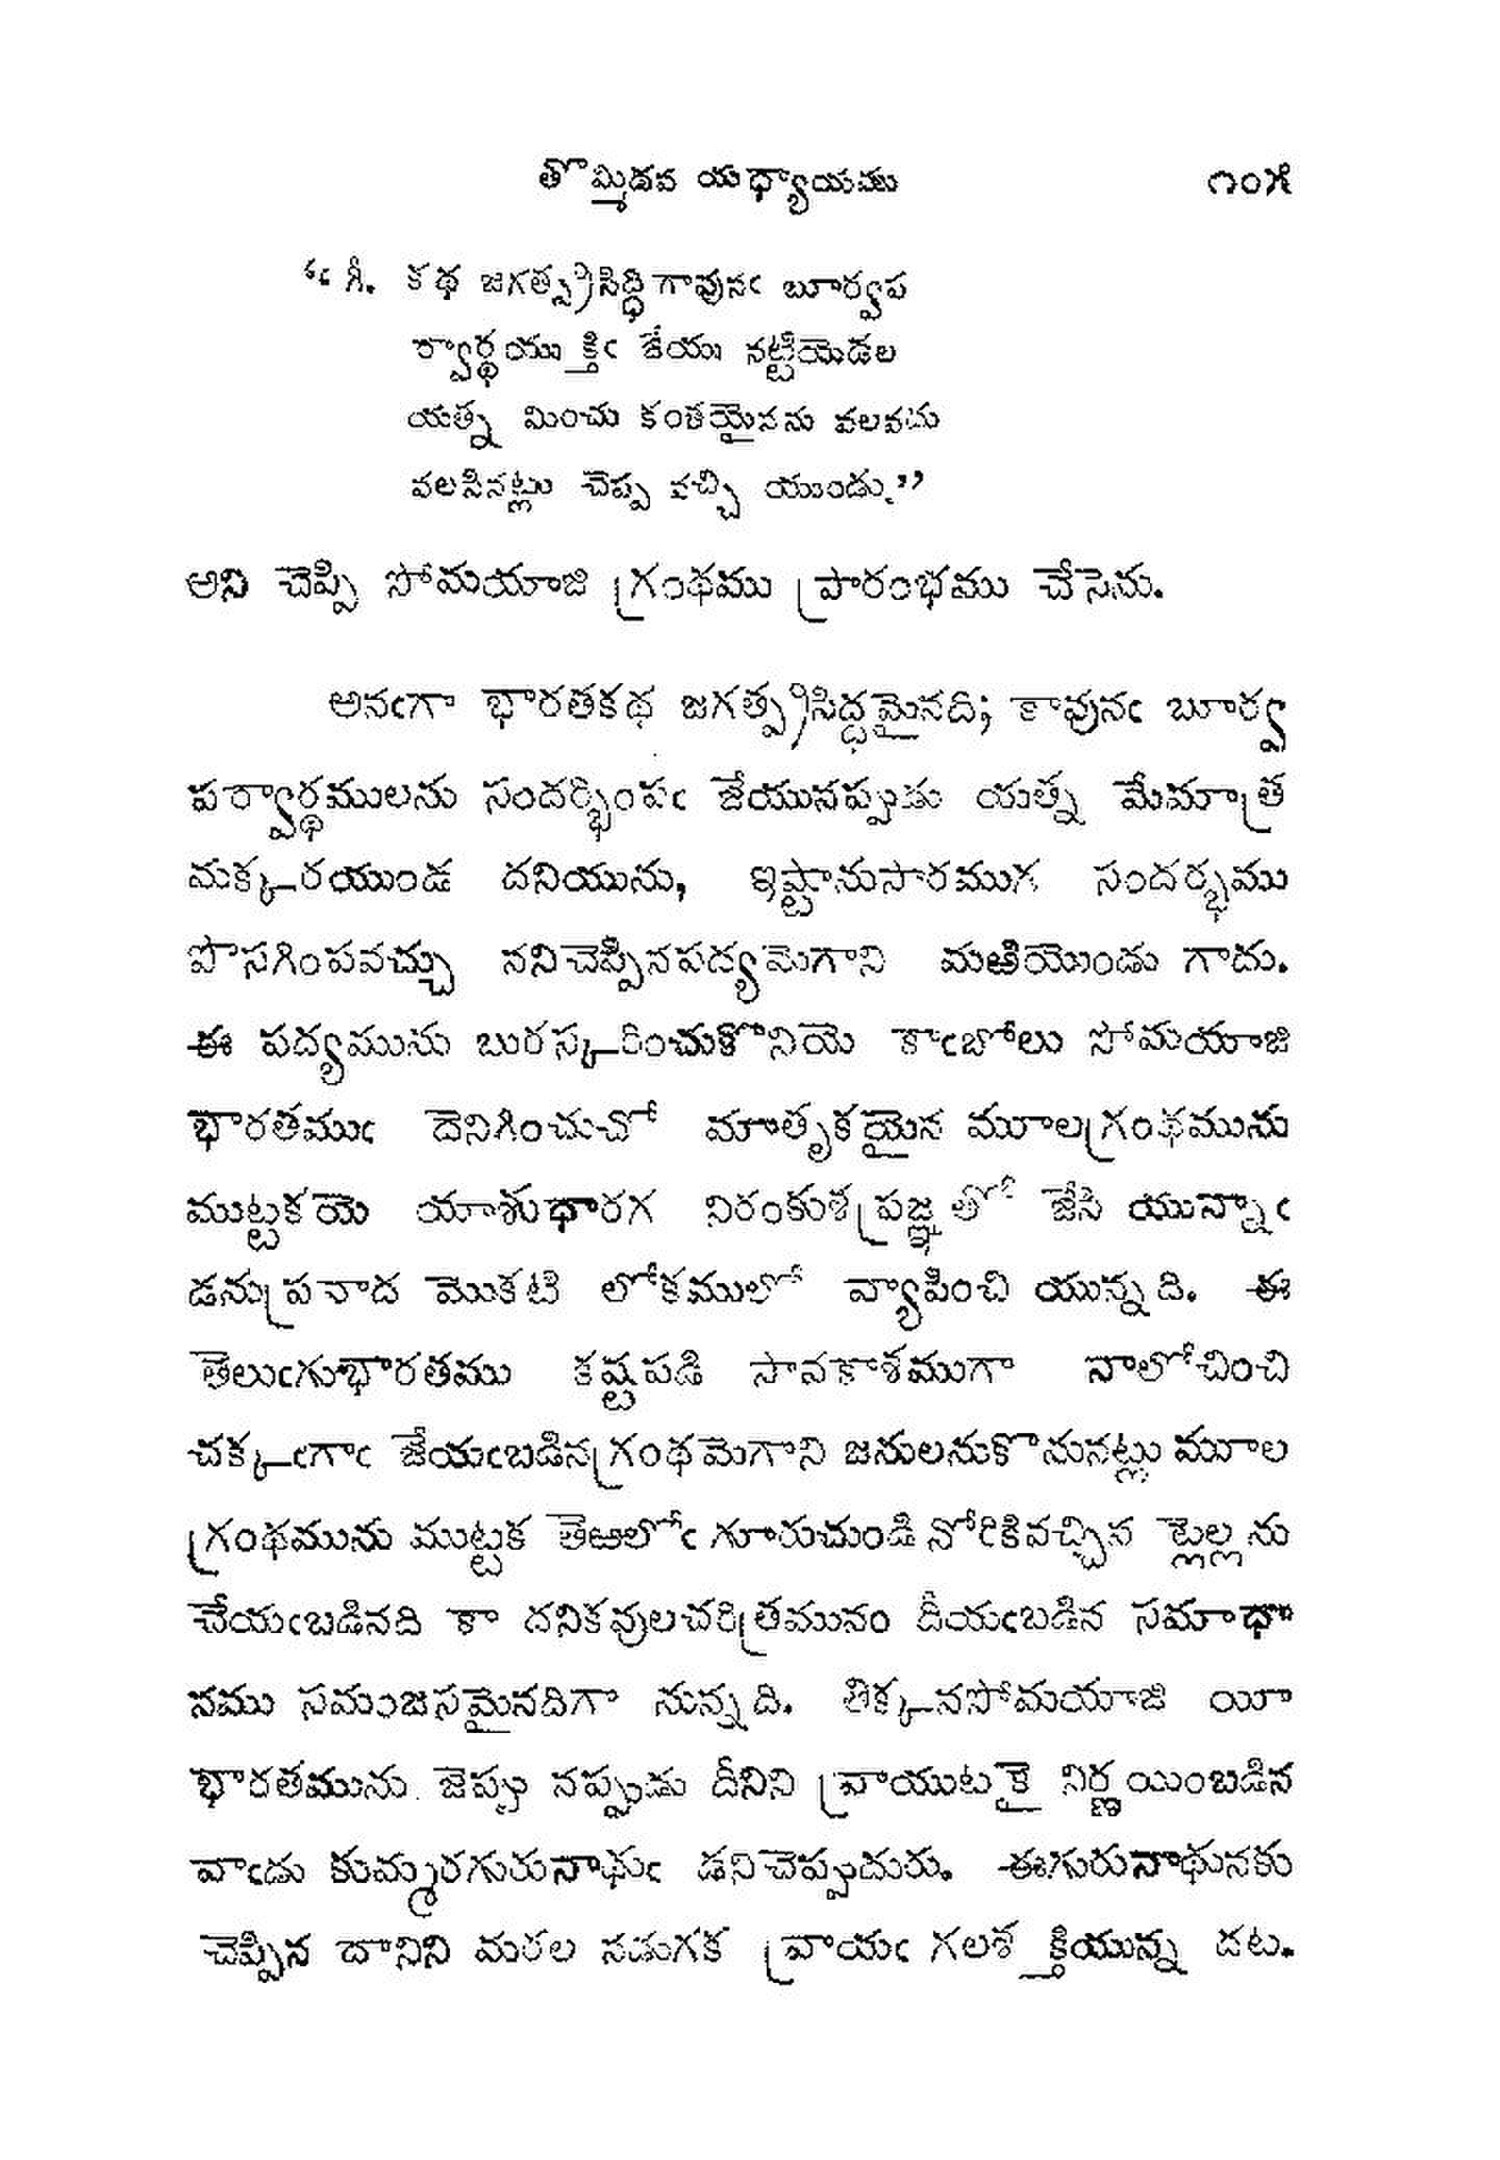"గీ. కథ జగత్ప్రసిద్ది గావునఁ బూర్వప
 ర్వార్థయుక్తిఁ జేయు నట్టియెడల 
 యత్న మించు కంతయైనను వలవదు
 వలసినట్లు చెప్ప వచ్చి యుండు.” 
అని చెప్పి సోమయాజి గ్రంథము ప్రారంభము చేసెను.

అనఁగా భారతకథ జగత్ప్రసిద్ధమైనది; కావునఁ బూర్వ పర్వార్థములను సందర్భింపఁ జేయునప్పుడు యత్న మేమాత్ర మక్కరయుండ దనియును, ఇష్టానుసారముగ సందర్భము పొసగింపవచ్చు ననిచెప్పినపద్యమెగాని మఱియొండు గాదు. ఈ పద్యమును బురస్కరించుకొనియె కాఁబోలు సోమయాజి భారతముఁ దెనిగించుచో మాతృకయైన మూలగ్రంథమును ముట్టకయె యాశుధారగ నిరంకుశప్రజ్ఞతో జేసి యున్నాఁ డనుప్రవాద మొకటి లోకములో వ్యాపించి యున్నది. ఈ తెలుఁగుభారతము కష్టపడి సావకాశముగా నాలోచించి చక్కఁగాఁ జేయఁబడినగ్రంథమేగాని జనులనుకొనునట్లు మూలగ్రంథమును ముట్టక తెఱలోఁ గూరుచుండి నోరికివచ్చిన ట్లెల్లను చేయఁబడినది కా దనికవులచరిత్రమునం దీయఁబడిన సమాధానము సమంజసమైనదిగా నున్నది. తిక్కనసోమయాజి యీ భారతమును. జెప్పు నప్పుడు దీనిని వ్రాయుటకై నిర్ణయింబడిన వాఁడు కుమ్మరగురునాథుఁ డనిచెప్పుదురు. ఈగురునాథునకు చెప్పిన దానిని మరల నడుగక వ్రాయఁ గలశక్తియున్న దట.